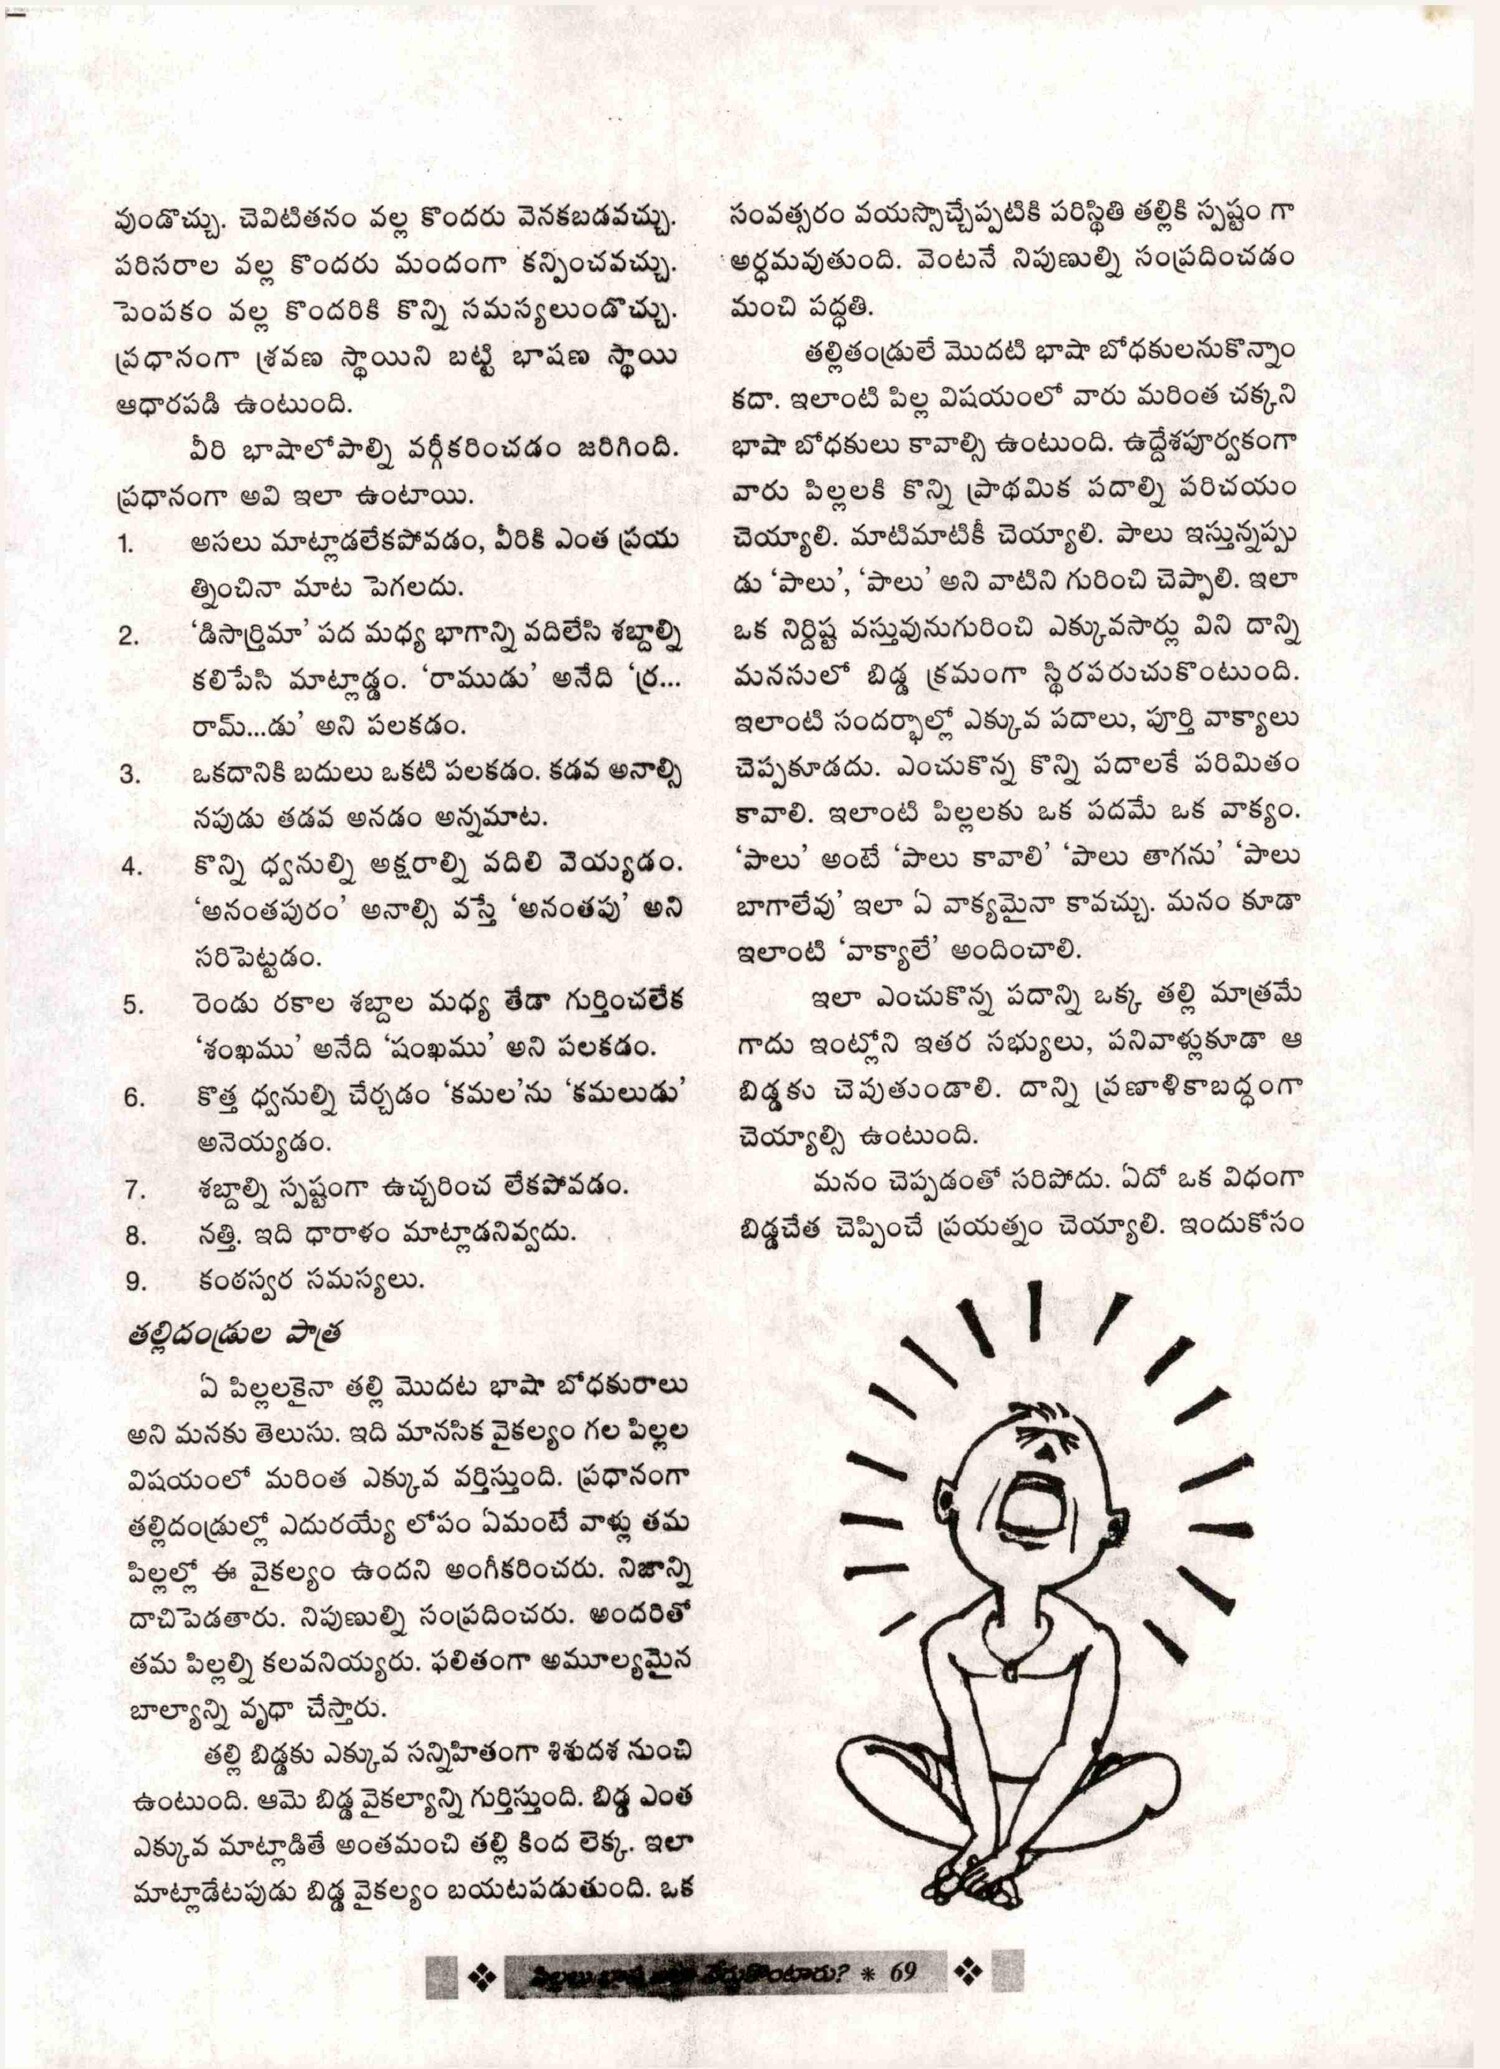వుండొచ్చు. చెవిటితనం వల్ల కొందరు వెనకబడవచ్చు. పరిసరాల వల్ల కొందరు మందంగా కన్పించవచ్చు. పెంపకం వల్ల కొందరికి కొన్ని సమస్యలుండొచ్చు. ప్రధానంగా శ్రవణ స్థాయిని బట్టి భాషణ స్థాయి ఆధారపడి ఉంటుంది.

వీరి భాషాలోపాల్ని వర్గీకరించడం జరిగింది. ప్రధానంగా అవి ఇలా ఉంటాయి.

1. అసలు మాట్లాడలేకపోవడం, వీరికి ఎంత ప్రయత్నించినా మాట పెగలదు.

2. 'డిసార్త్రిమా' పద మధ్య భాగాన్ని వదిలేసి శబ్దాల్ని కలిపేసి మాట్లాడ్డం. 'రాముడు' అనేది 'ర్ర...రామ్...డు' అని పలకడం.

3. ఒకదానికి బదులు ఒకటి పలకడం. కడవ అనాల్సినపుడు తడవ అనడం అన్నమాట.

4. కొన్ని ధ్వనుల్ని అక్షరాల్ని వదిలి వెయ్యడం. 'అనంతపురం' అనాల్సి వస్తే 'అనంతపు' అని సరిపెట్టడం.

5. రెండు రకాల శబ్దాల మధ్య తేడా గుర్తించలేక 'శంఖము' అనేది 'షంఖము' అని పలకడం.

6. కొత్త ధ్వనుల్ని చేర్చడం 'కమల'ను 'కమలుడు' అనెయ్యడం.

7. శబ్దాల్ని స్పష్టంగా ఉచ్చరించ లేకపోవడం.

8. నత్తి. ఇది ధారాళం మాట్లాడనివ్వదు.

9. కంఠస్వర సమస్యలు.

తల్లిదండ్రుల పాత్ర

ఏ పిల్లలకైనా తల్లి మొదట భాషా బోధకురాలు అని మనకు తెలుసు. ఇది మానసిక వైకల్యం గల పిల్లల విషయంలో మరింత ఎక్కువ వర్తిస్తుంది. ప్రధానంగా తల్లిదండ్రుల్లో ఎదురయ్యే లోపం ఏమంటే వాళ్లు తమ పిల్లల్లో ఈ వైకల్యం ఉందని అంగీకరించరు. నిజాన్ని దాచిపెడతారు. నిపుణుల్ని సంప్రదించరు. అందరితో తమ పిల్లల్ని కలవనియ్యరు. ఫలితంగా అమూల్యమైన బాల్యాన్ని వృధా చేస్తారు.

తల్లి బిడ్డకు ఎక్కువ సన్నిహితంగా శిశుదశ నుంచి ఉంటుంది. ఆమె బిడ్డ వైకల్యాన్ని గుర్తిస్తుంది. బిడ్డ ఎంత ఎక్కువ మాట్లాడితే అంతమంచి తల్లి కింద లెక్క. ఇలా మాట్లాడేటపుడు బిడ్డ వైకల్యం బయటపడుతుంది. ఒక సంవత్సరం వయస్సొచ్చేప్పటికి పరిస్థితి తల్లికి స్పష్టం గా అర్ధమవుతుంది. వెంటనే నిపుణుల్ని సంప్రదించడం మంచి పద్ధతి.

తల్లితండ్రులే మొదటి భాషా బోధకులనుకొన్నాం కదా. ఇలాంటి పిల్ల విషయంలో వారు మరింత చక్కని భాషా బోధకులు కావాల్సి ఉంటుంది. ఉద్దేశపూర్వకంగా వారు పిల్లలకి కొన్ని ప్రాథమిక పదాల్ని పరిచయం చెయ్యాలి. మాటిమాటికీ చెయ్యాలి. పాలు ఇస్తున్నప్పుడు ‘పాలు', 'పాలు' అని వాటిని గురించి చెప్పాలి. ఇలా ఒక నిర్దిష్ట వస్తువునుగురించి ఎక్కువసార్లు విని దాన్ని మనసులో బిడ్డ క్రమంగా స్థిరపరుచుకొంటుంది. ఇలాంటి సందర్భాల్లో ఎక్కువ పదాలు, పూర్తి వాక్యాలు చెప్పకూడదు. ఎంచుకొన్న కొన్ని పదాలకే పరిమితం కావాలి. ఇలాంటి పిల్లలకు ఒక పదమే ఒక వాక్యం. 'పాలు' అంటే 'పాలు కావాలి' 'పాలు తాగను' 'పాలు బాగాలేవు' ఇలా ఏ వాక్యమైనా కావచ్చు. మనం కూడా ఇలాంటి 'వాక్యాలే' అందించాలి.

ఇలా ఎంచుకొన్న పదాన్ని ఒక్క తల్లి మాత్రమే గాదు ఇంట్లోని ఇతర సభ్యులు, పనివాళ్లుకూడా ఆ బిడ్డకు చెపుతుండాలి. దాన్ని ప్రణాళికాబద్ధంగా చెయ్యాల్సి ఉంటుంది.

మనం చెప్పడంతో సరిపోదు. ఏదో ఒక విధంగా బిడ్డచేత చెప్పించే ప్రయత్నం చెయ్యాలి. ఇందుకోసం